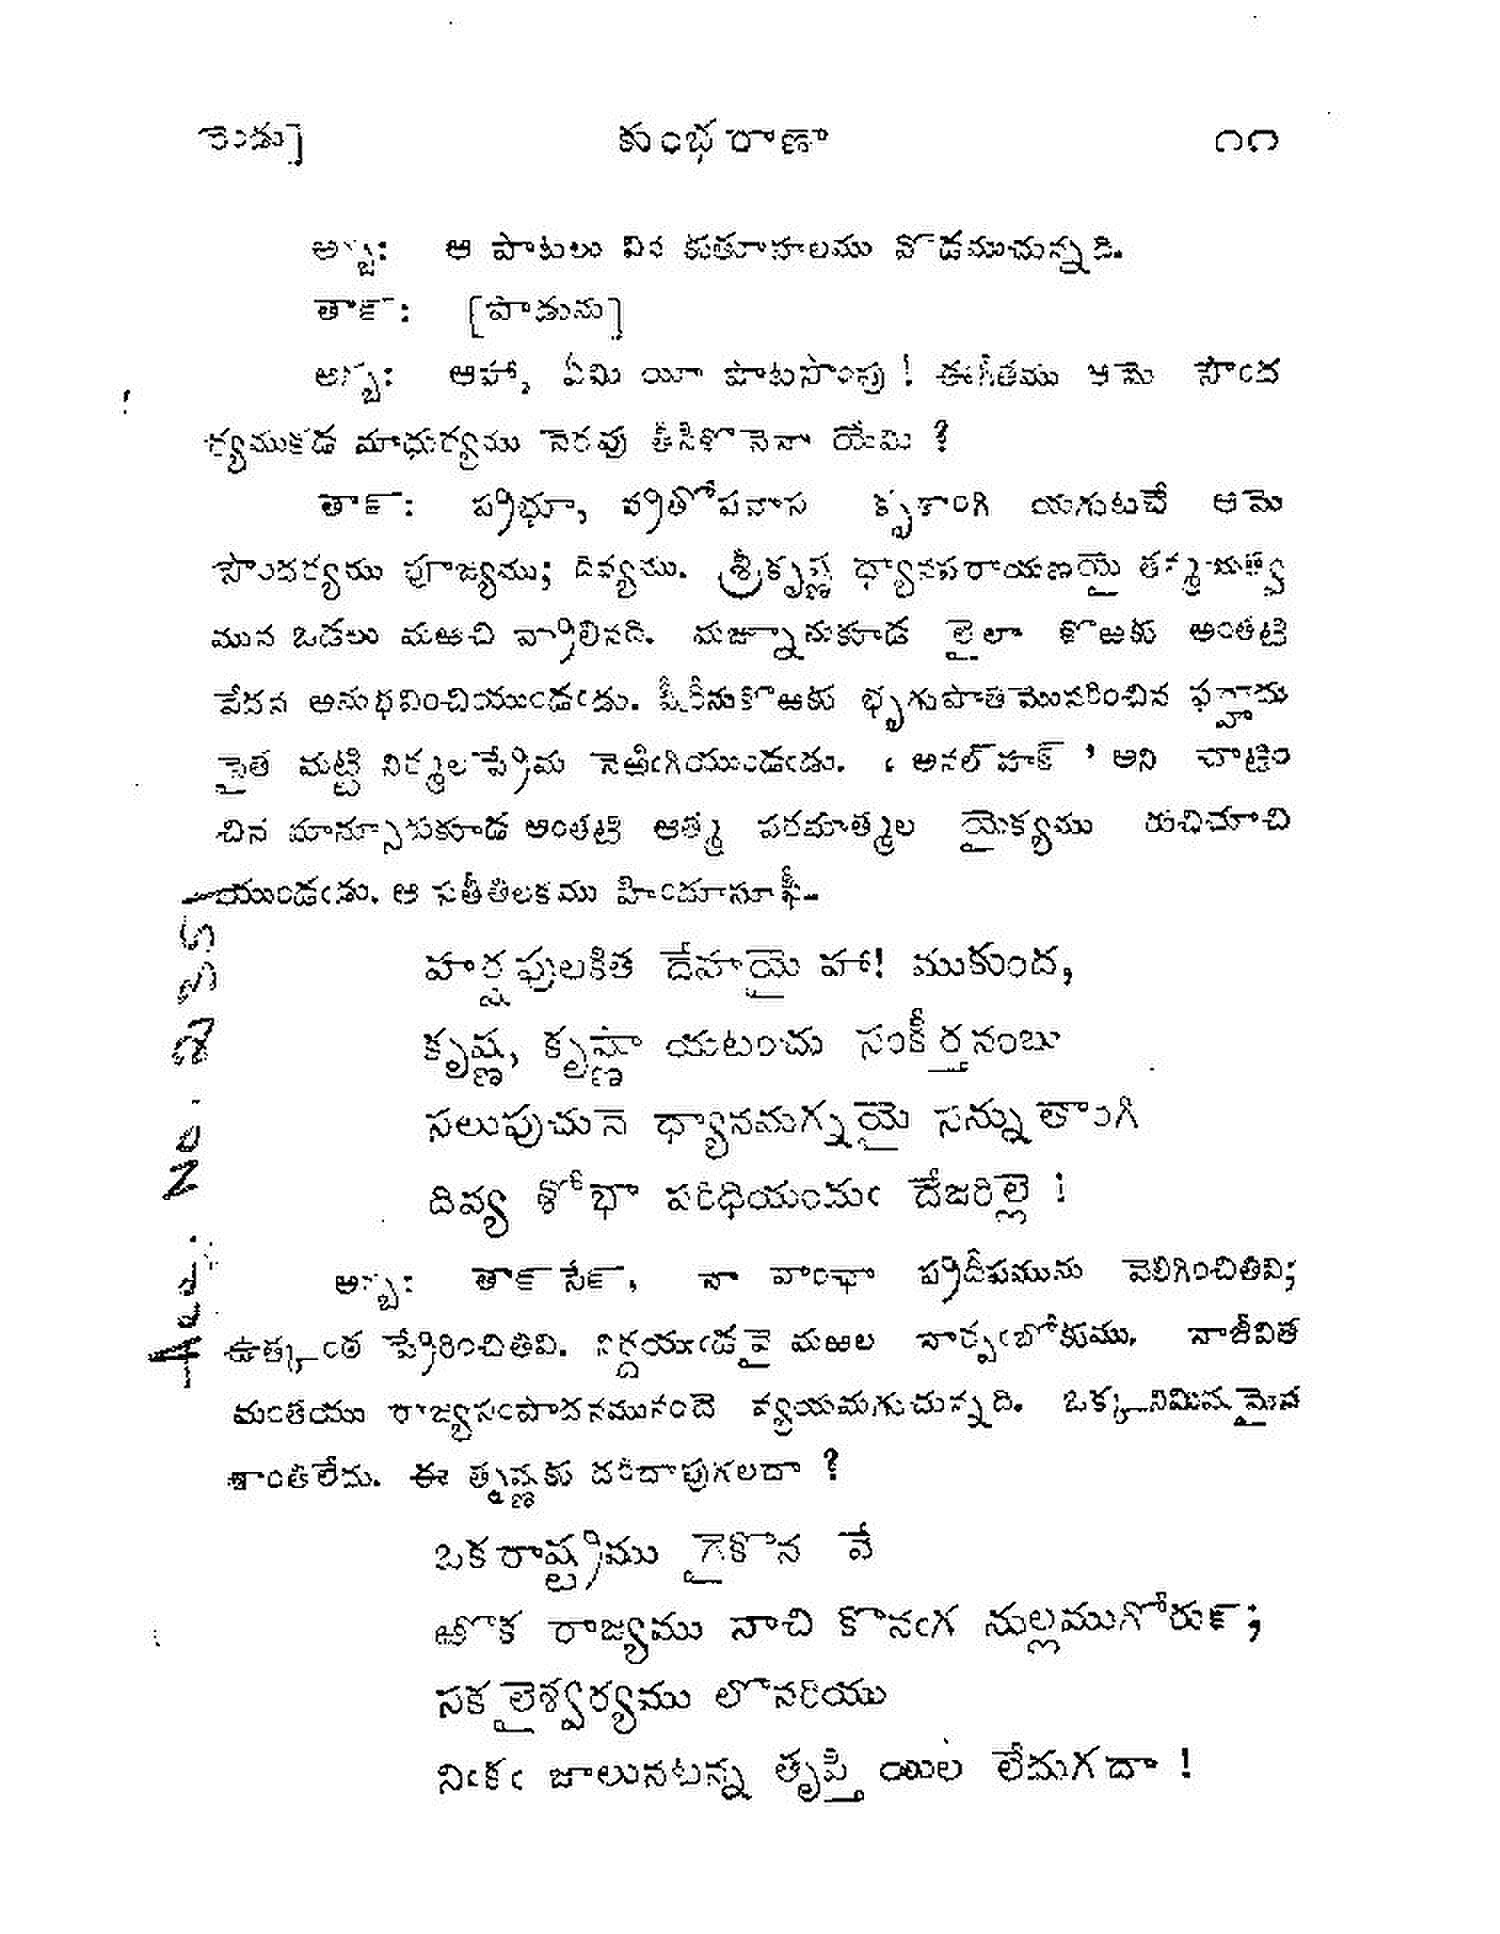అగ్బ : ఆ పాటలు విన కుతూహలము వొడముచున్నది.

తాన్ : [పాడును]

అగ్బ : ఆహా, ఏమి యీ పాటసొంపు ! ఈగీతము ఆమె సౌందర్యముకడ మాధుర్యము నెరవు తీసికొనెనా యేమి ?

తాన్ : ప్రభూ, వ్రతోపవాస కృశాంగి యగుటచే ఆమె సౌందర్యము పూజ్యము; దివ్యము. శ్రీకృష్ణ ధ్యానపరాయణయై తన్మయత్వమున ఒడలు మఱచి వ్రాలినది. మజ్నూనుకూడ లైలా కొఱకు అంతటి వేదన అనుభవించియుండఁడు. షీరీనుకొఱకు భృగుపాతమొనరించిన ఫర్హాదు సైత మట్టి నిర్మల ప్రేమ నెఱిఁగియుండఁడు 'అనల్‌హక్‌' అని చాటించిన మాన్సూరుకూడ అంతటి ఆత్మ పరమాత్మల యైక్యము రుచుచూచి యుండఁడు. ఆ సతీతిలకము హిందూసూఫీ-

 హర్షపులకిత దేహయై హా! ముకుంద,
 కృష్ణ, కృష్ణా యటంచు సంకీర్తనంబు
 సలుపుచునె ధ్యానమగ్నయై సన్నుతాంగి
 దివ్య శోభా పరిధియందుఁ దేజరిల్లె !

అగ్బ : తాన్‌సేన్, నా వాంఛా ప్రదీపమును వెలిగించితివి; ఉత్కంఠ ప్రేరించితివి. నిర్దయుఁడవై మఱల నార్పఁబోకుము. నాజీవిత మంతయు రాజ్యసంపాదనమునందె వ్యయమగుచున్నది. ఒక్కనిమిషమైన శాంతిలేదు. ఈ తృష్ణకు దరిదాపుగలదా ?

 ఒకరాష్ట్రము గైకొన వే
 ఱొక రాజ్యము నాచి కొనఁగ నుల్లముగోరున్;
 సకలైశ్వర్యము లొనరియు
 నిఁకఁ జాలునటన్న తృప్తి యిల లేదుగదా !